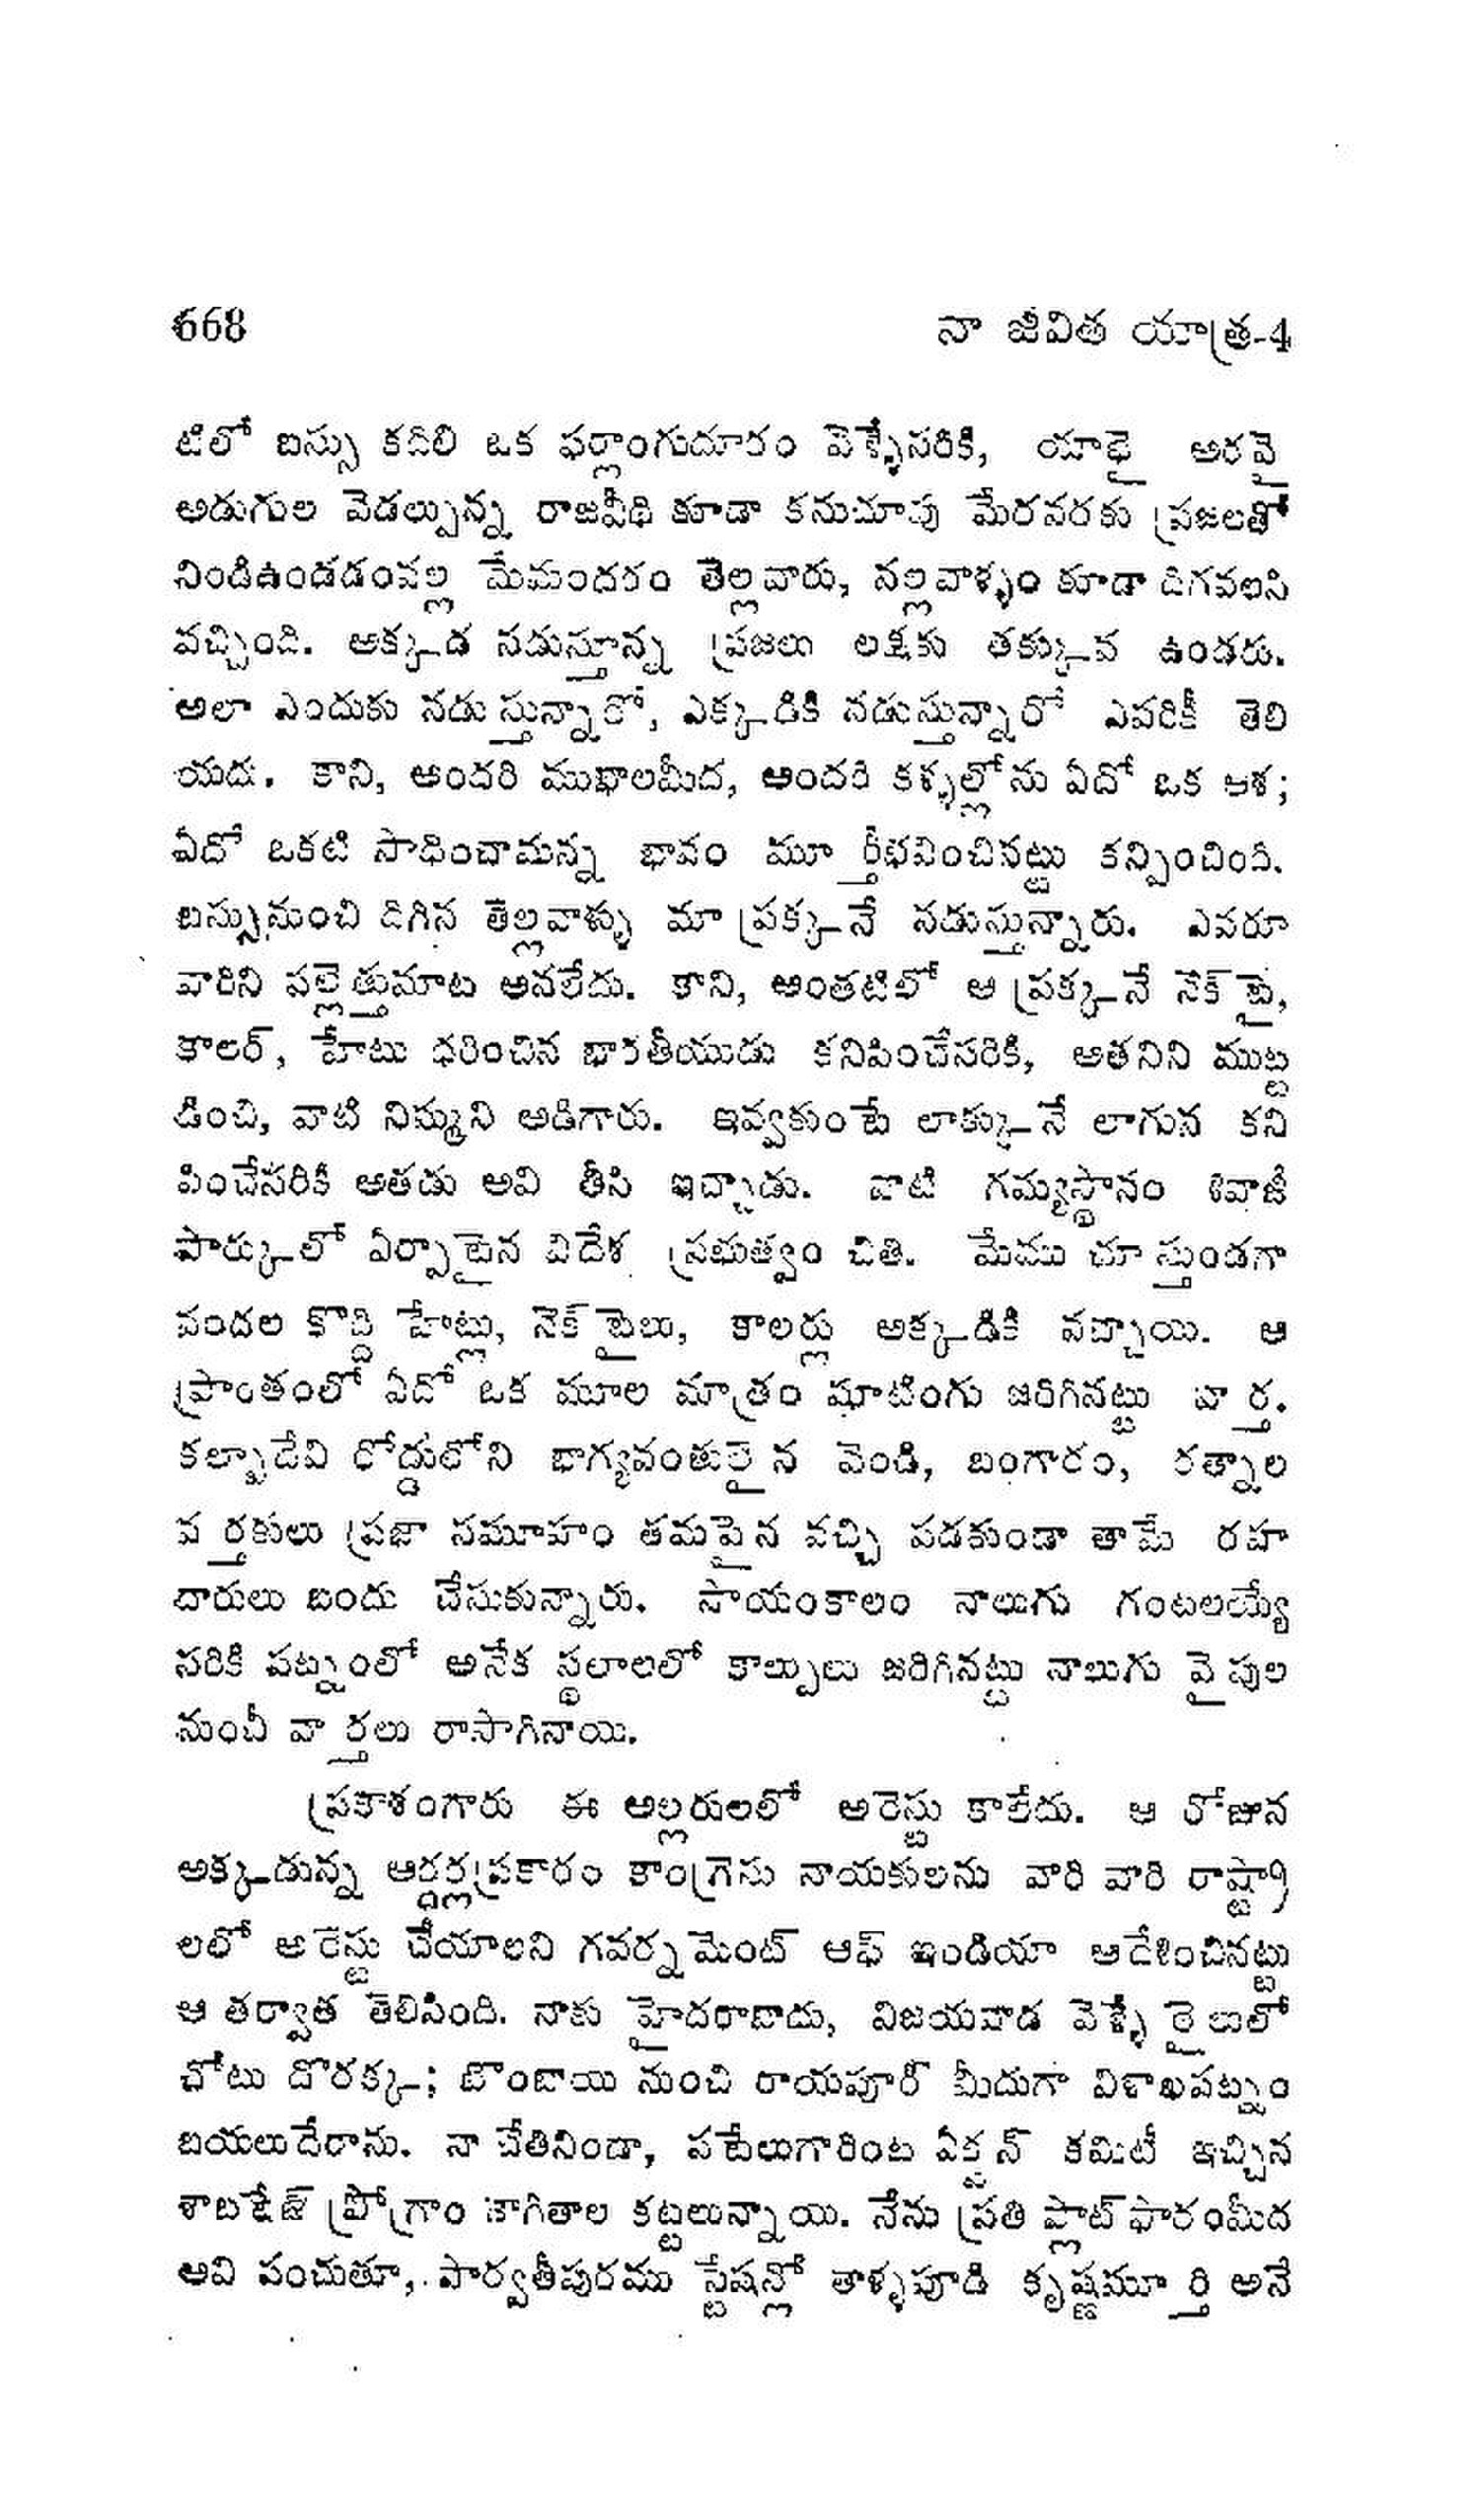టిలో బస్సు కదిలి ఒక ఫర్లాంగుదూరం వెళ్ళేసరికి, యాభై అరవై అడుగుల వెడల్పున్న రాజవీథి కూడా కనుచూపు మేరవరకు ప్రజలతో నిండిఉండడంవల్ల మేమందరం తెల్లవారు, నల్లవాళ్ళం కూడా దిగవలసి వచ్చింది. అక్కడ నడుస్తూన్న ప్రజలు లక్షకు తక్కువ ఉండరు. అలా ఎందుకు నడుస్తున్నారో, ఎక్కడికి నడుస్తున్నారో ఎవరికీ తెలియదు. కాని, అందరి ముఖాల మీద, అందరి కళ్ళల్లోను ఏదో ఒక ఆశ; ఏదో ఒకటి సాధించామన్న భావం మూర్తీభవించి నట్టు కన్పించింది. బస్సునుంచి దిగిన తెల్లవాళ్ళు మా ప్రక్కనే నడుస్తున్నారు. ఎవరూ వారిని పల్లెత్తు మాట అనలేదు. కాని, అంతటిలో ఆ ప్రక్కనే నెక్‌టై, కాలర్, హేటు ధరించిన భారతీయుడు కనిపించే సరికి, అతనిని ముట్టడించి, వాటి నిమ్మని అడిగారు. ఇవ్వకుంటే లాక్కునే లాగున కనిపించే సరికి అతడు అవి తీసి ఇచ్చాడు. వాటి గమ్యస్థానం శివాజీ పార్కులో ఏర్పాటైన విదేశ ప్రభుత్వం చితి. మేము చూస్తుండగా వందల కొద్ది హేట్లు, నెక్‌టైలు, కాలర్లు అక్కడికి వచ్చాయి. ఆ ప్రాంతంలో ఏదో ఒక మూల మాత్రం షూటింగు జరిగినట్టు వార్త. కల్పాదేవి రోడ్డులోని భాగ్యవంతులైన వెండి, బంగారం, రత్నాల వర్తకులు ప్రజా సమూహం తమపైన వచ్చి పడకుండా తామే రహదారులు బందు చేసుకున్నారు. సాయంకాలం నాలుగు గంటలయ్యేసరికి పట్నంలో అనేక స్థలాలలో కాల్పులు జరిగినట్టు నాలుగు వైపుల నుంచీ వార్తలు రాసాగినాయి.

ప్రకాశంగారు ఈ అల్లరులలో అరెస్టు కాలేదు. ఆ రోజున అక్కడున్న ఆర్డర్లప్రకారం కాంగ్రెసు నాయకులను వారి వారి రాష్ట్రాలలో అరెస్టు చేయాలని గవర్నమెంట్ ఆఫ్ ఇండియా ఆదేశించినట్టు ఆ తర్వాత తెలిసింది. నాకు హైదరాబాదు, విజయవాడ వెళ్ళే రైలులో చోటు దొరక్క; బొంబాయి నుంచి రాయపూర్ మీదుగా విశాఖపట్నం బయలుదేరాను. నా చేతినిండా, పటేలుగారింట ఏక్షన్ కమిటీ ఇచ్చిన శాబటేజ్ ప్రోగ్రాం కాగితాల కట్టలున్నాయి. నేను ప్రతి ప్లాట్‌ఫారం మీద అవి పంచుతూ, పార్వతీపురము స్టేషన్లో తాళ్ళపూడి కృష్ణమూర్తి అనే